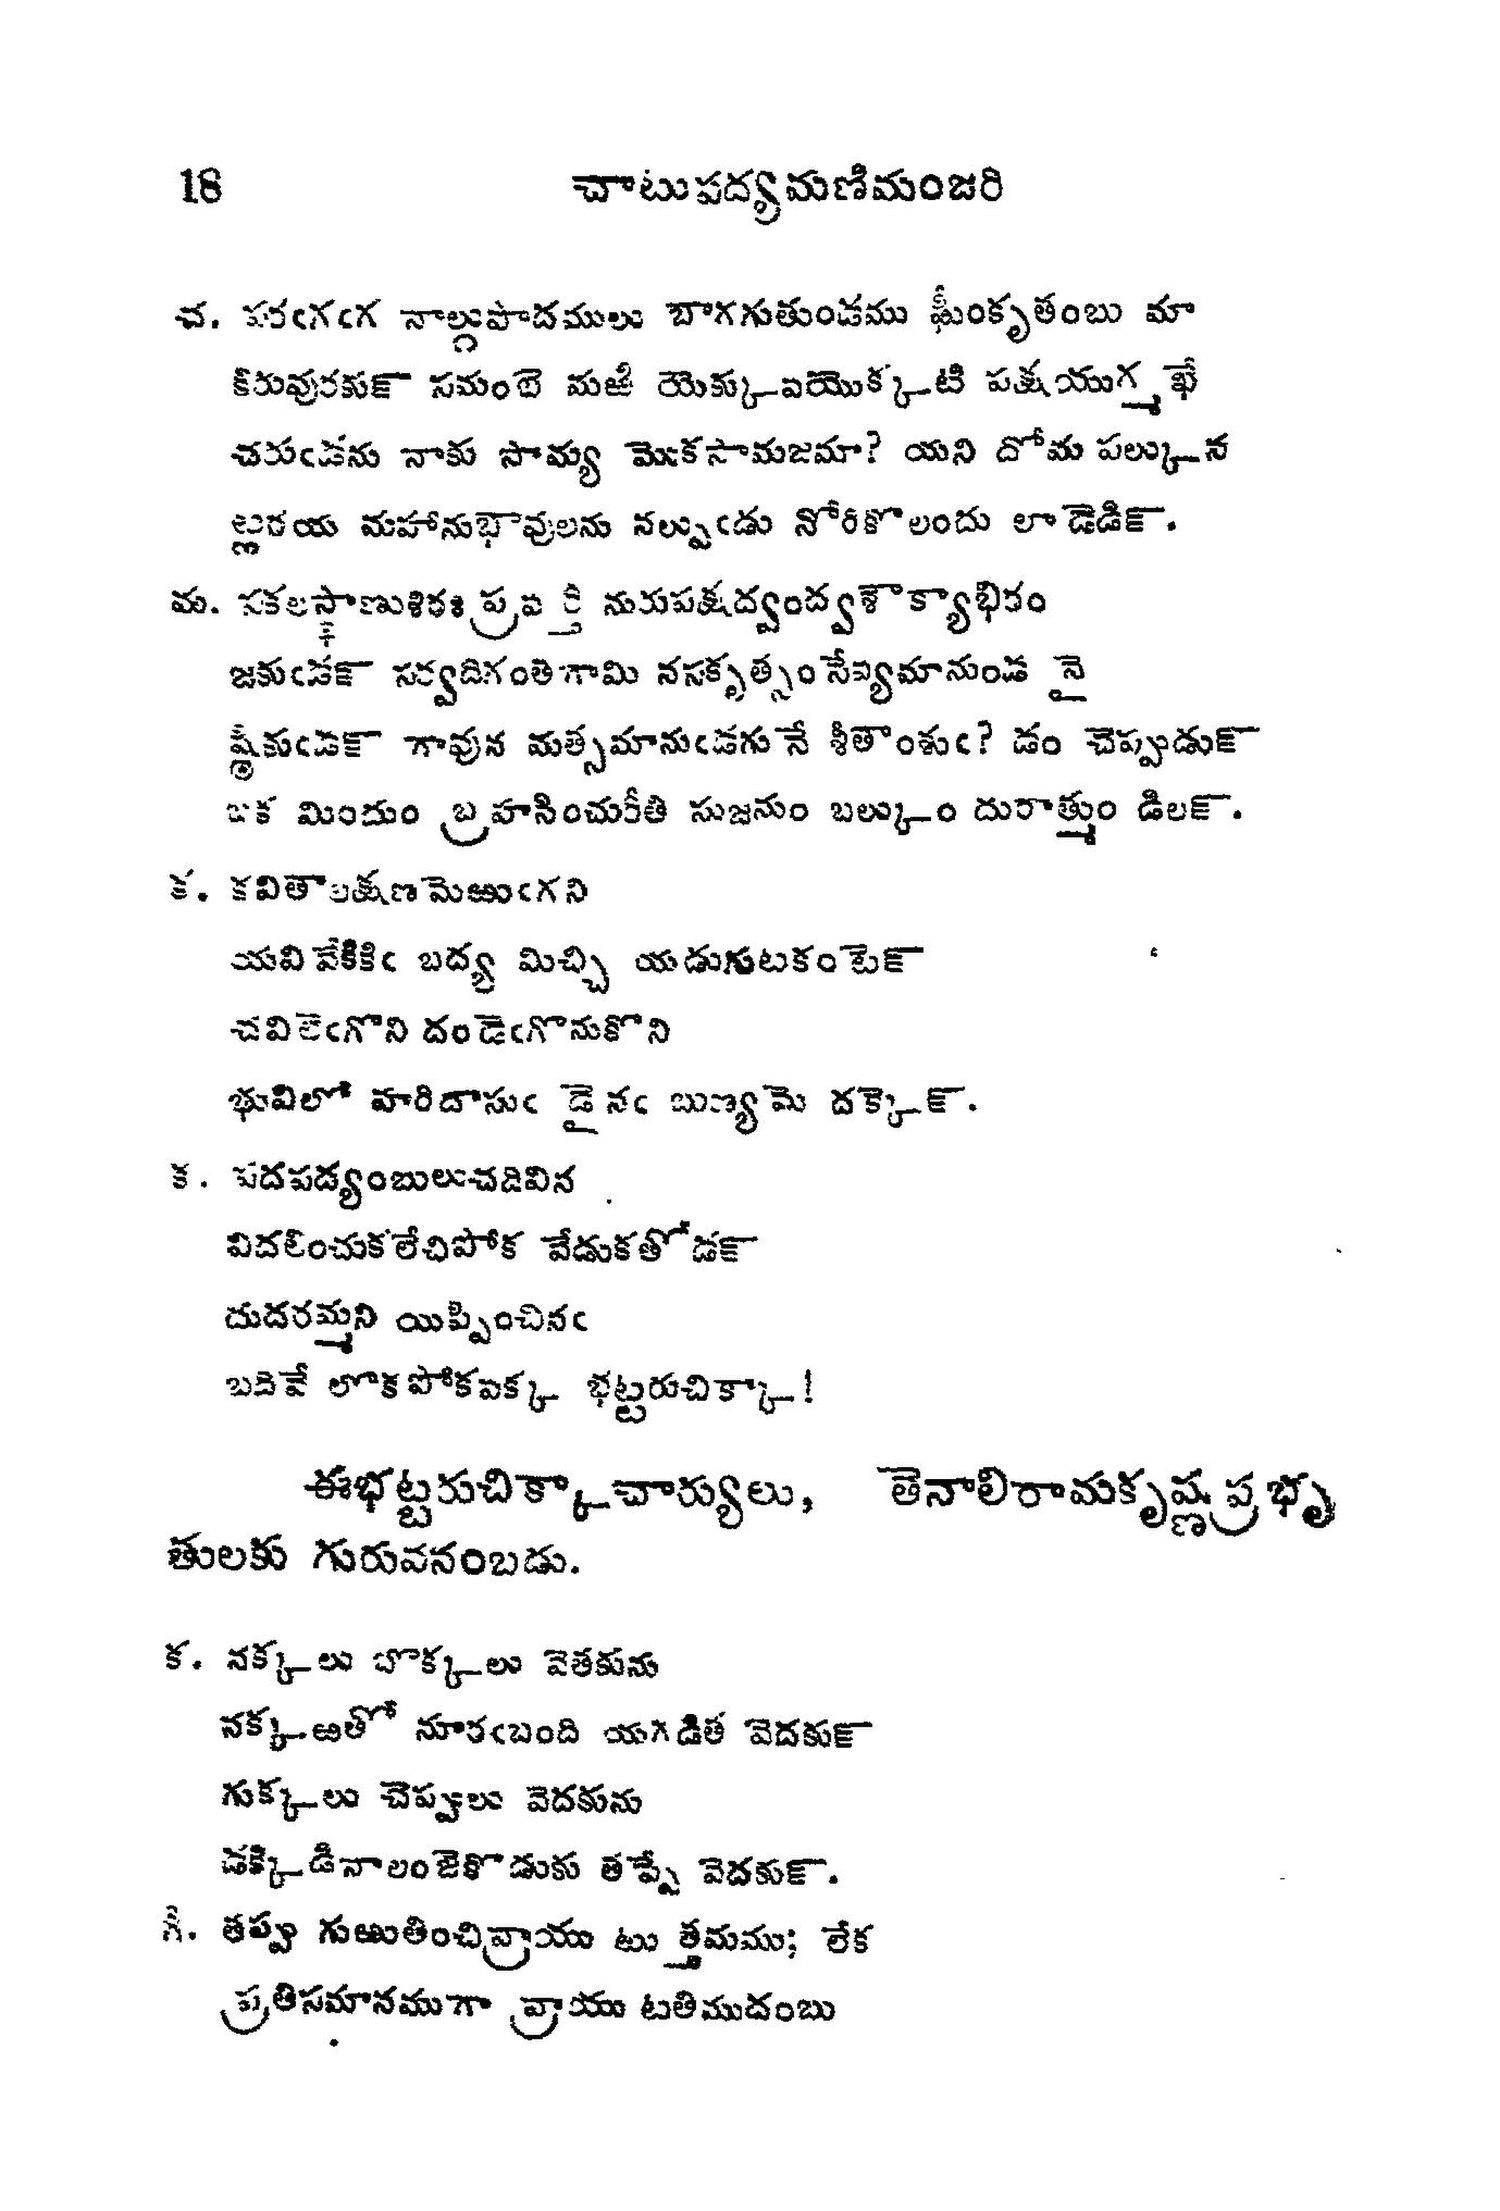చ. పరఁగఁగ నాల్గుపాదములు బగగుతుండము ఘీంకృతంబు మా
 కిరువురకున్ సమంబె మఱి యెక్కువయొక్కటి పక్షయుగ్మ ఖే
 చరుఁడను నాకు సామ్య మొకసామజమా? యని దోమ పల్కున
 ట్లరయ మహానుభావులను నల్పుఁడు నోరికొలందు లాడెడిన్.
మ. సకలస్థాణుశిరఃప్రవర్తి నురుపక్షద్వంద్వశౌక్ల్యాభిరం
 జకుఁడన్ సర్వదిగంతగామి నసకృత్సంసేవ్యమానుండ నై
 ష్ఠికుఁడన్ గావున మత్సమానుఁ డగునే శీతాంశుఁ? డం చెప్పుడున్
 బక మిందుం బ్రహసించురీతి సుజనుం బల్కుం దురాత్ముం డిలన్.
క. కవితాలక్షణ మెఱుఁగని
 యవివేకికిఁ బద్య మిచ్చి యడుగుటకంటెన్
 చవిలెఁగొని దండెఁగొనుకొని
 భువిలో హరిదాసుఁ డైనఁ బుణ్యమె దక్కెన్.
క. పదపద్యంబులు చదివిన
 విదలించుకలేచిపోక వేడుకతోడన్
 దుద ర మ్మని యిప్పించినఁ
 బదివే లొకపోవవక్క భట్టరుచిక్కా!
ఈ భట్టరుచిక్కాచార్యులు తెనాలి రామకృష్ణప్రభృతులకు గురు వనంబడు.
క. నక్కలు బొక్కలు వెతకును
 నక్కఱతో నూరఁబంది యగడిత వెతకున్
 గుక్కలు చెప్పులు వెదకును
 డక్కిడినాలంజెకొడుకు తప్పే వెదకున్.
గీ. తప్పు గుఱుతించివ్రాయు టుత్తమము; లోక
 ప్రతిసమానముగాఁ వ్రాయు టతిముదంబు